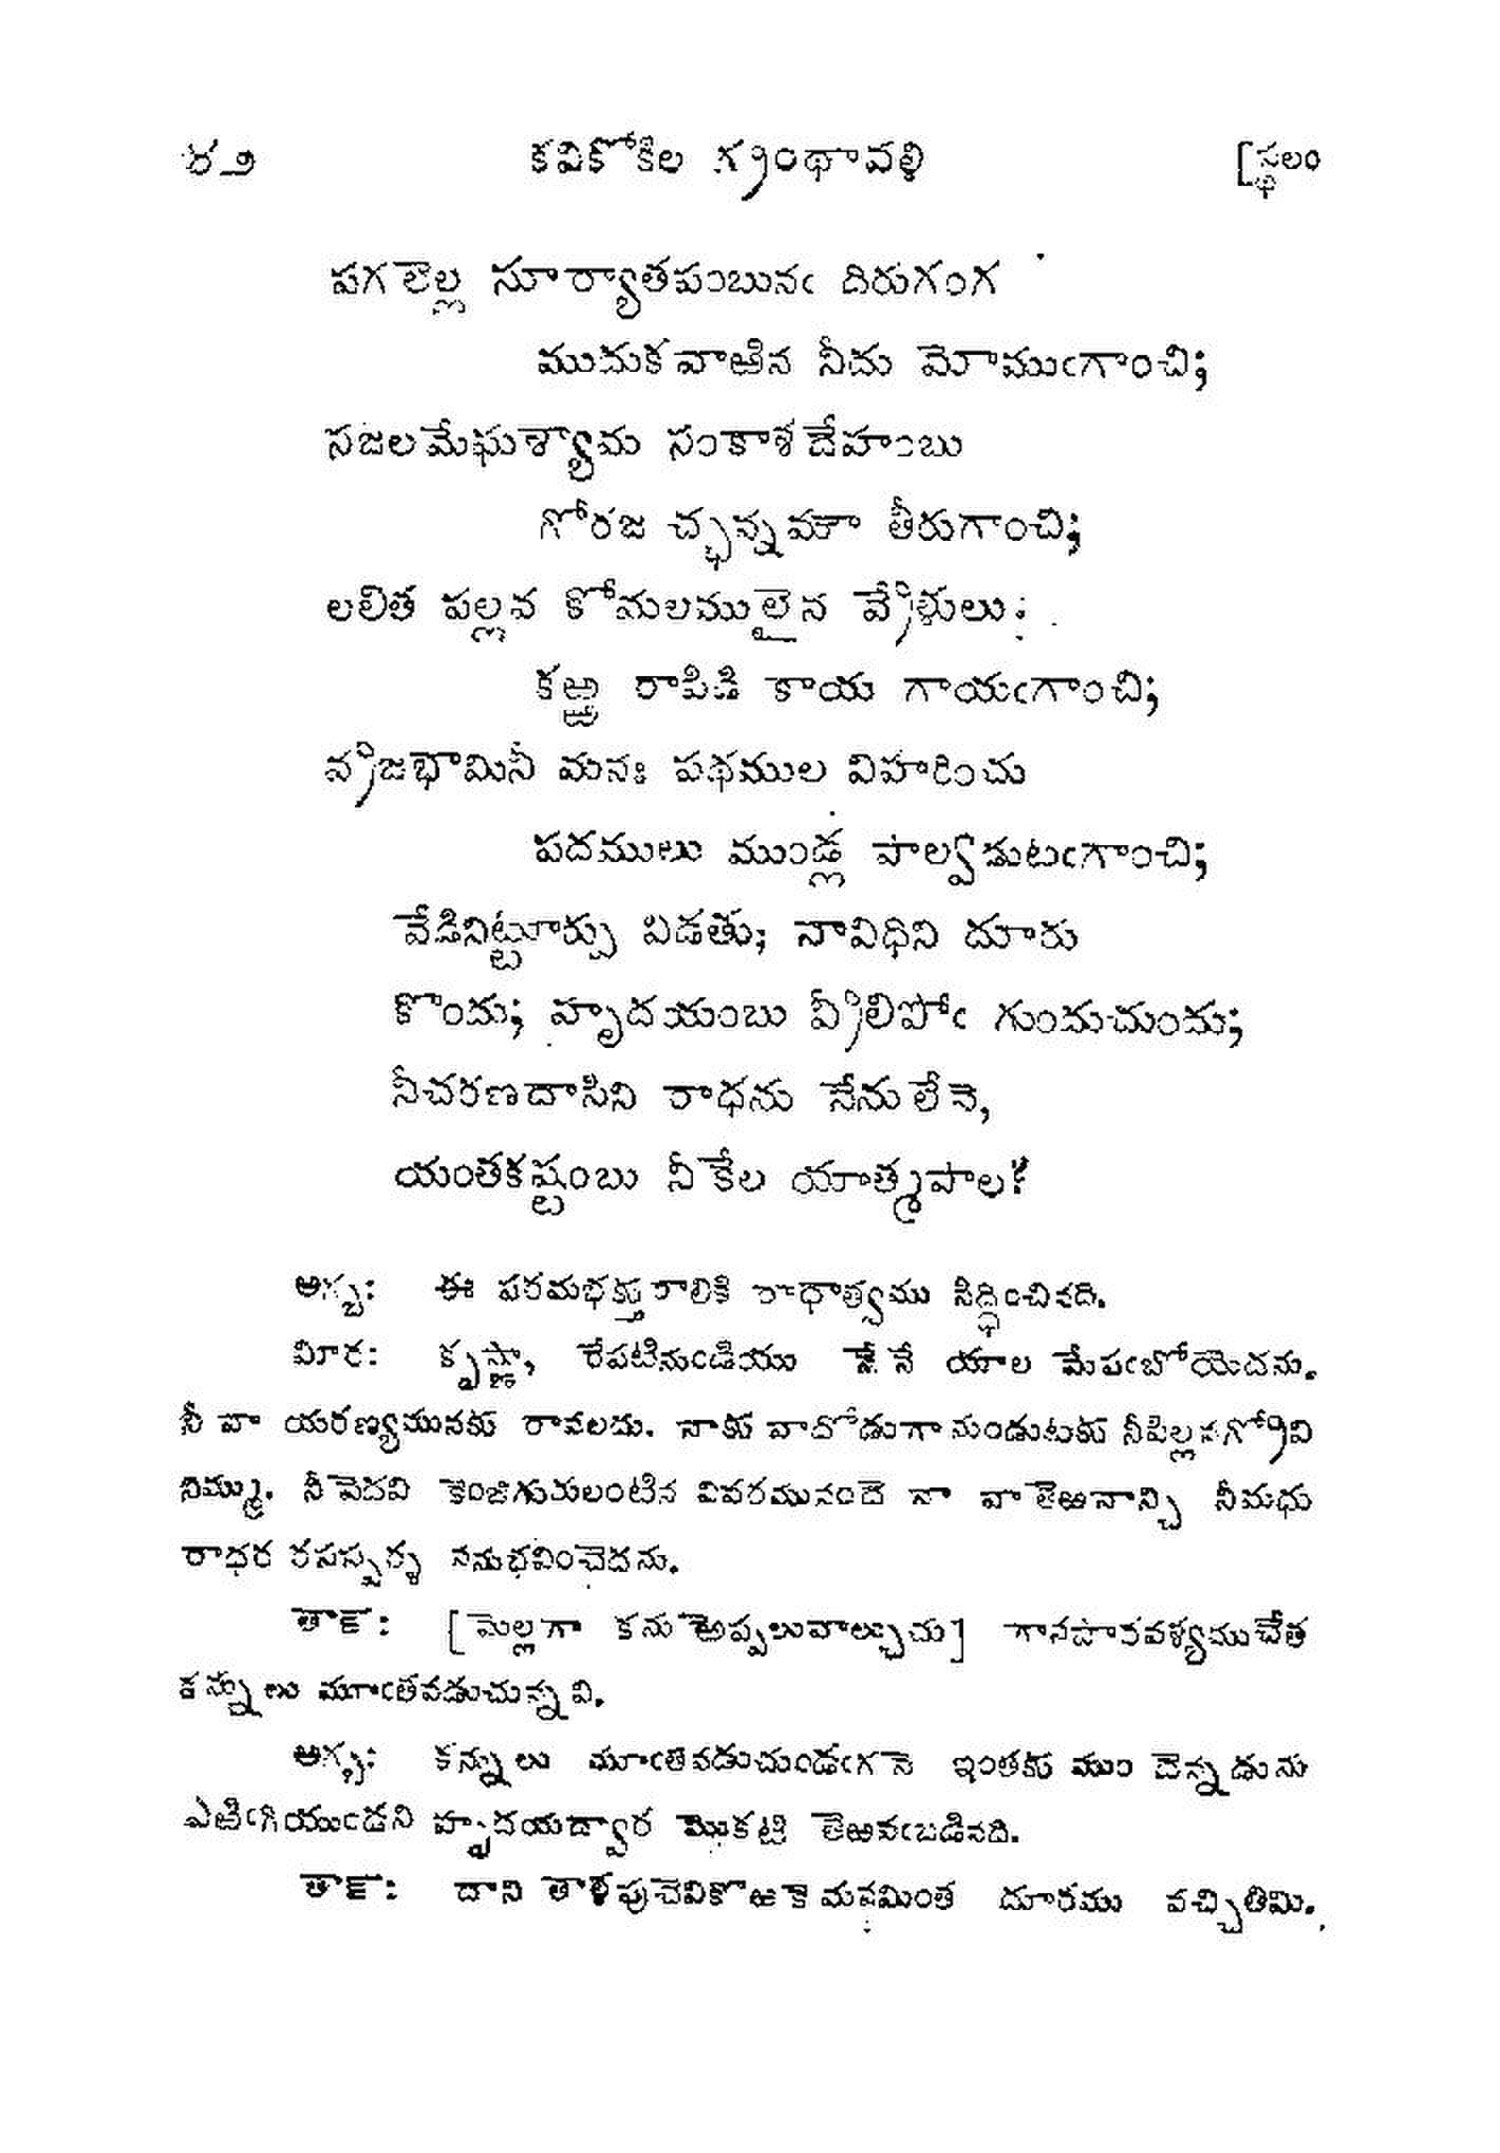పగలెల్ల సూర్యాతపంబునఁ దిరుగంగ
 ముదుక వాఱిన నీదు మోముఁగాంచి;
 సజలమేఘశ్యామ సంకాశదేహంబు
 గోరజ చ్ఛన్నమౌ తీరుగాంచి;
 లలిత పల్లవ కోమలములైన వ్రేళులు
 కఱ్ఱ రాపిడి కాయ గాయఁగాంచి;
 వజ్రభామినీ మన: పథముల విహరించు
 పదములు ముండ్ల పాల్వడుటఁగాంచి;
 వేడినిట్టూర్పు విడతు; నావిధిని దూరు
 కొందు; హృదయంబు వ్రీలిపోఁ గుందుచుందు;
 నీచరణదాసిని రాధను నేనులేనె,
 యంతకష్టంబు నీకేల యాత్మపాల?

అగ్బ : ఈ పరమభక్తురాలికి రాధాత్వము సిద్ధించినది.

మీరా : కృష్ణా, రేపటినుండియు నేనే యాల మేపఁబోయెదను. నీవా యరణ్యమునకు రావలదు. నాకు వాదోడుగా నుండుటకు నీపిల్లనగ్రోవినిమ్ము. నీ పెదవి కెంజిగురులంటిన వివరమునందె నా వాతెఱనాన్చి నీమధురాధర రసస్పర్శ ననుభవించెదను.

తాన్ : [మెల్లగా కనుఱెప్పలువాల్చుచు] గానపారవశ్యముచేత కన్నులు మూఁతవడుచున్నవి.

అగ్బ : కన్నులు మూఁతవడుచుండఁగనె ఇంతకు ముం దెన్నడును ఎఱిఁగియుండని హృదయద్వార మొకటి తెఱవఁబడినది.

తాన్ : దాని తాళపుచెవికొఱకె మనమింత దూరము వచ్చితిమి.